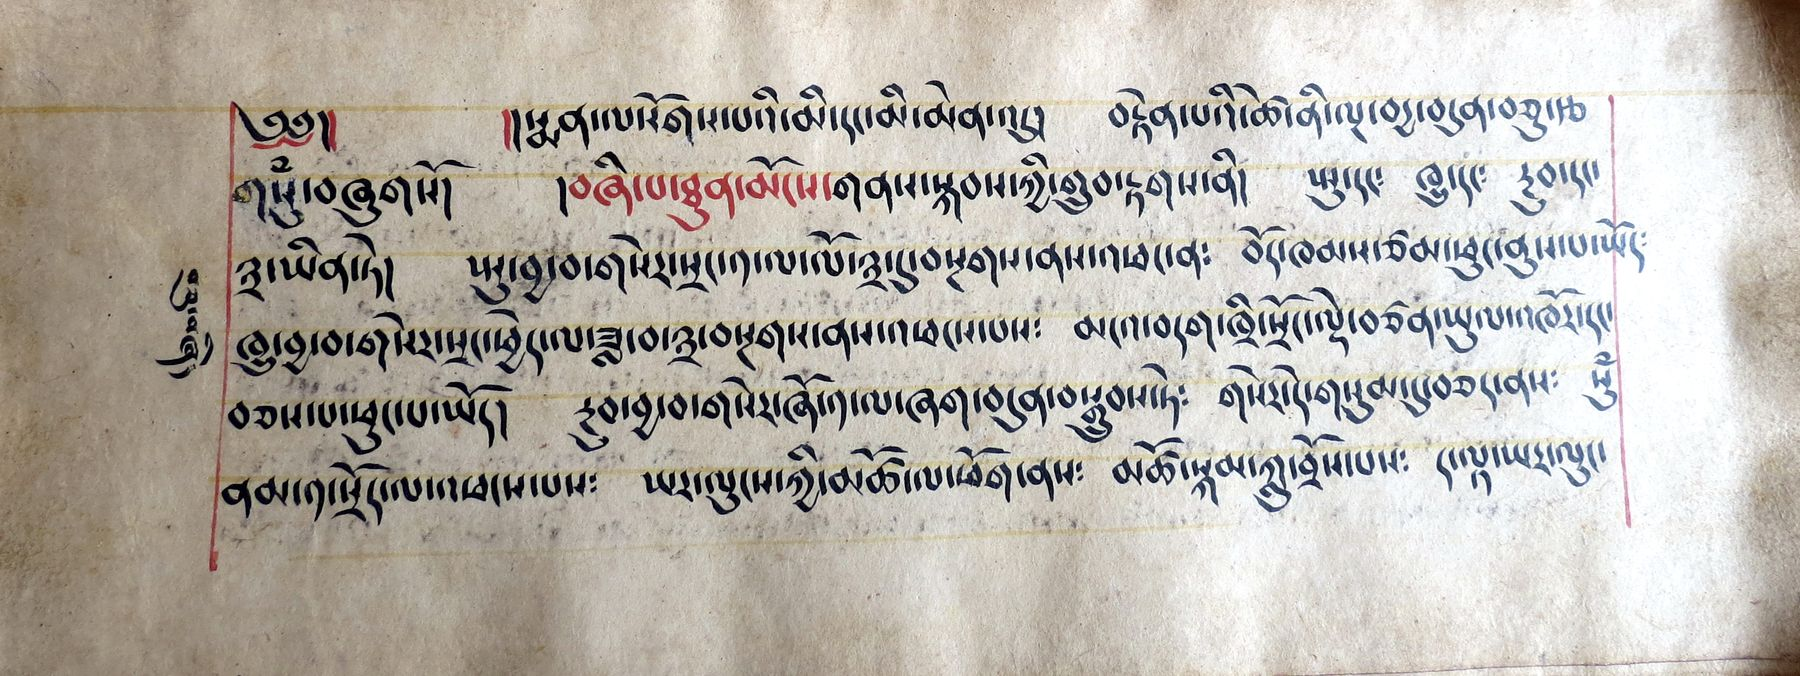སྨན་ལས་སོགས་མི་དང་མི་མིན་འདུ། བརྟེན་པའི་ཚེ་ནི་ལྔ་བརྒྱ་བདུན་ཅུ་རྩ་
གསུམ་བཞུགས་སོ། །བཞི་པ་ཐུན་མོང་གནས་སྐབས་ཀྱི་གྲུབ་རྟགས་ནི། སྤུ་དང་། ཁྱུ་དང་། རྔུབ་དང་། 
གསུམ་ཡིན་ཏེ། སྤུ་བྱ་བ་གསེར་སྲང་གཅིག་ལ་ལོ་གསུམ་དུ་བསྔགས་ནས་འཕང་ན། བོད་ཁམས་ཙམ་ཕུང་ནུས་པ་ཡོད། 
ཁྱུ་བྱ་བ་གསེར་སྲང་ཕྱེད་ལ་ཟླ་བ་གསུམ་བསྔགས་ནས་འཕང་ན། མངའ་བདག་ཁྲི་སྲོང་ལྡེ་བཙན་ཡུལ་འཁོར་དང་
བཅས་པ་ཕུང་པ་ཡོད། རྔུབ་བྱ་བ་གསེར་ཞོ་གཅིག་ལ་བསྔགས་ཏེ་ཞག་བདུན་བསྒྲུབས་ཏེ། གསེར་དེ་གསུམ་དུ་བཅད་ནས། སུམ་
ནམ་ཅིག་སྲོད་ལ་འཕངས་པས། ཡར་ལུངས་ཀྱི་མཚོ་ལ་ཕོག་པས་མཚོ་སྐམས་ཀླུ་བྲོས་པས་ད་ལྟ་ཡར་ལུང་